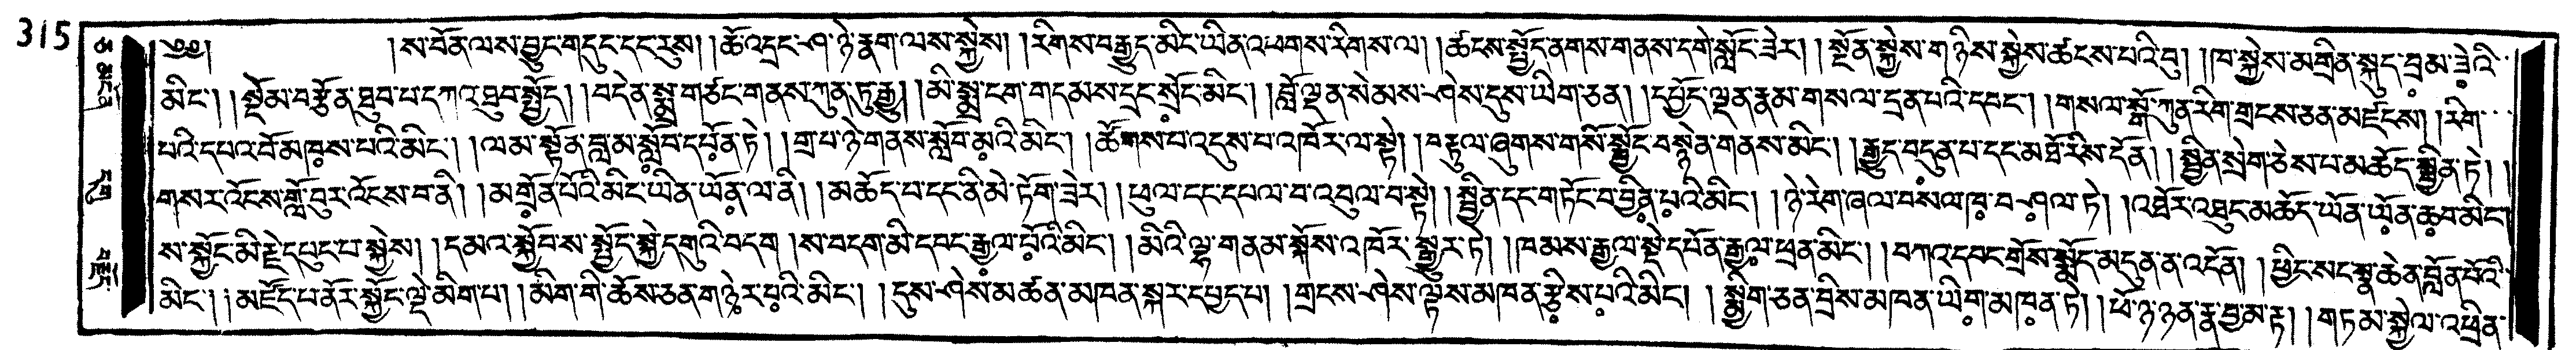༄༅། །ས་བོན་ལས་བྱུང་དུང་དང་། རུས། །ཆོ་འདྲང་ཤ་ཉེ་རྣལ་ལས་སྐྱེས། །རིགས་བརྒྱུད་མིང་ཡིན་འཕགས་རིགས་ལ། །ཚང་སྤྱོད་ནགས་གནས་དགེ་སློང་ཟེར། །སྣོང་སྐྱེས་གསྙིས་སྐྱེས་ཚངས་པའི་བུ། །ཁ་སྐྱེས་མགྲིན་སྐུད་བྲམ་ཟེའི་
མིང་། །སྔོམ་བརྩོན་ཐུག་པ་དཀའ་ཐུབ་སྤྱོད། །བདེན་སྨྲ་གཙང་གནས་ཀུན་ཏུ་རྒྱུ། །མི་སྨྲ་ངག་གདམས་དྲང་སྲོང་མིང་། །བློ་ལྡན་སེམས་ཤེས་དུས་ཡིག་ཅན། །དཔྱོད་ལྡན་རྣམ་གསལ་དྲན་པའི་དབང་། །གསལ་སྒོ་ཀུན་རིག་གྲངས་ཅན་མཛངས། །རིག་
པའི་དཔའ་བོ་མཁས་པའི་མིང་། །ལམ་སྟོན་བླམ་སློབ་དཔོན་ཏེ། །གྲ་བ་ཉེ་གནས་སློབ་མའི་མིང་། །ཚོགས་པ་འདུས་པ་འཁོར་ལ་སྟེ། བརྟུལ་ཞུགས་གསོ་སྦྱོང་བསྙེན་གནས་མིང་། །རྒྱུད་བདུན་པ་དང་མཐོ་རིས་དོན། །སྤྱིན་སྲེག་ཅེས་པ་མཆོད་སྐྱིན་ཏེ། །
གསར་འོངས་གློ་བུར་འོངས་པ་ནི། །མགྲོན་པོའི་མིང་ཡིན་ཡོན་ལ་ནི། །མཆོད་པ་དང་ནི་མེ་ཏོག་ཟེར། །ཕུལ་དང་དཔལ་བ་འབུལ་བ་སྟེ། །སྤྱིན་དང་གཏོང་བ་བྱིན་པའི་མིང་། །ཉེ་རིག་ཞལ་བསལ་ཁ་བཤལ་ཏེ། མཐོང་འཐུང་མཆོད་ཡོན་ཡོན་ཆབ་མེང་
ས་སྐྱོང་མི་རྗེད་དཔུང་པ་སྐྱེས། །དམའ་སྐྱོབས་སྤྱོད་སྐྱེ་དགུའི་བདག། །ས་བདག་མི་དབང་རྒྱལ་པོའི་མིང་། མིའི་ལྷ་གནས་སྐོས་འཁོར་སྒྱུར་ཏེ། །ཁམས་རྒྱལ་སྡེ་དཔོན་རྒྱལ་ཕྲན་མིང་། །བཀའ་དབང་གྲོས་སྨོད་མདུན་ན་འདོན། །ཕྱིང་སང་སྣ་ཆེན་བློན་པོའི་
མིང་། །མཛོད་པ་ནོར་སྐྱོང་ལྡེ་མིག་པ། །མིག་གི་ཆོས་ཅན་གཉེར་བའི་མིང་། །དུས་ཤེས་མཚན་མཁན་སྐར་དཔྱད་པ། །གྲངས་ཤེས་ལྟེས་མཁན་རྩིས་པའི་མིང་། །སྐྱིག་ཅན་བྲིས་མཁན་ཡིག་མཁན་ཏེ། །ཕོ་ཉ་ཉན་རྣ་བྱ་མ་རྟ། །གཏམ་སྐྱེལ་འཕྲིན་